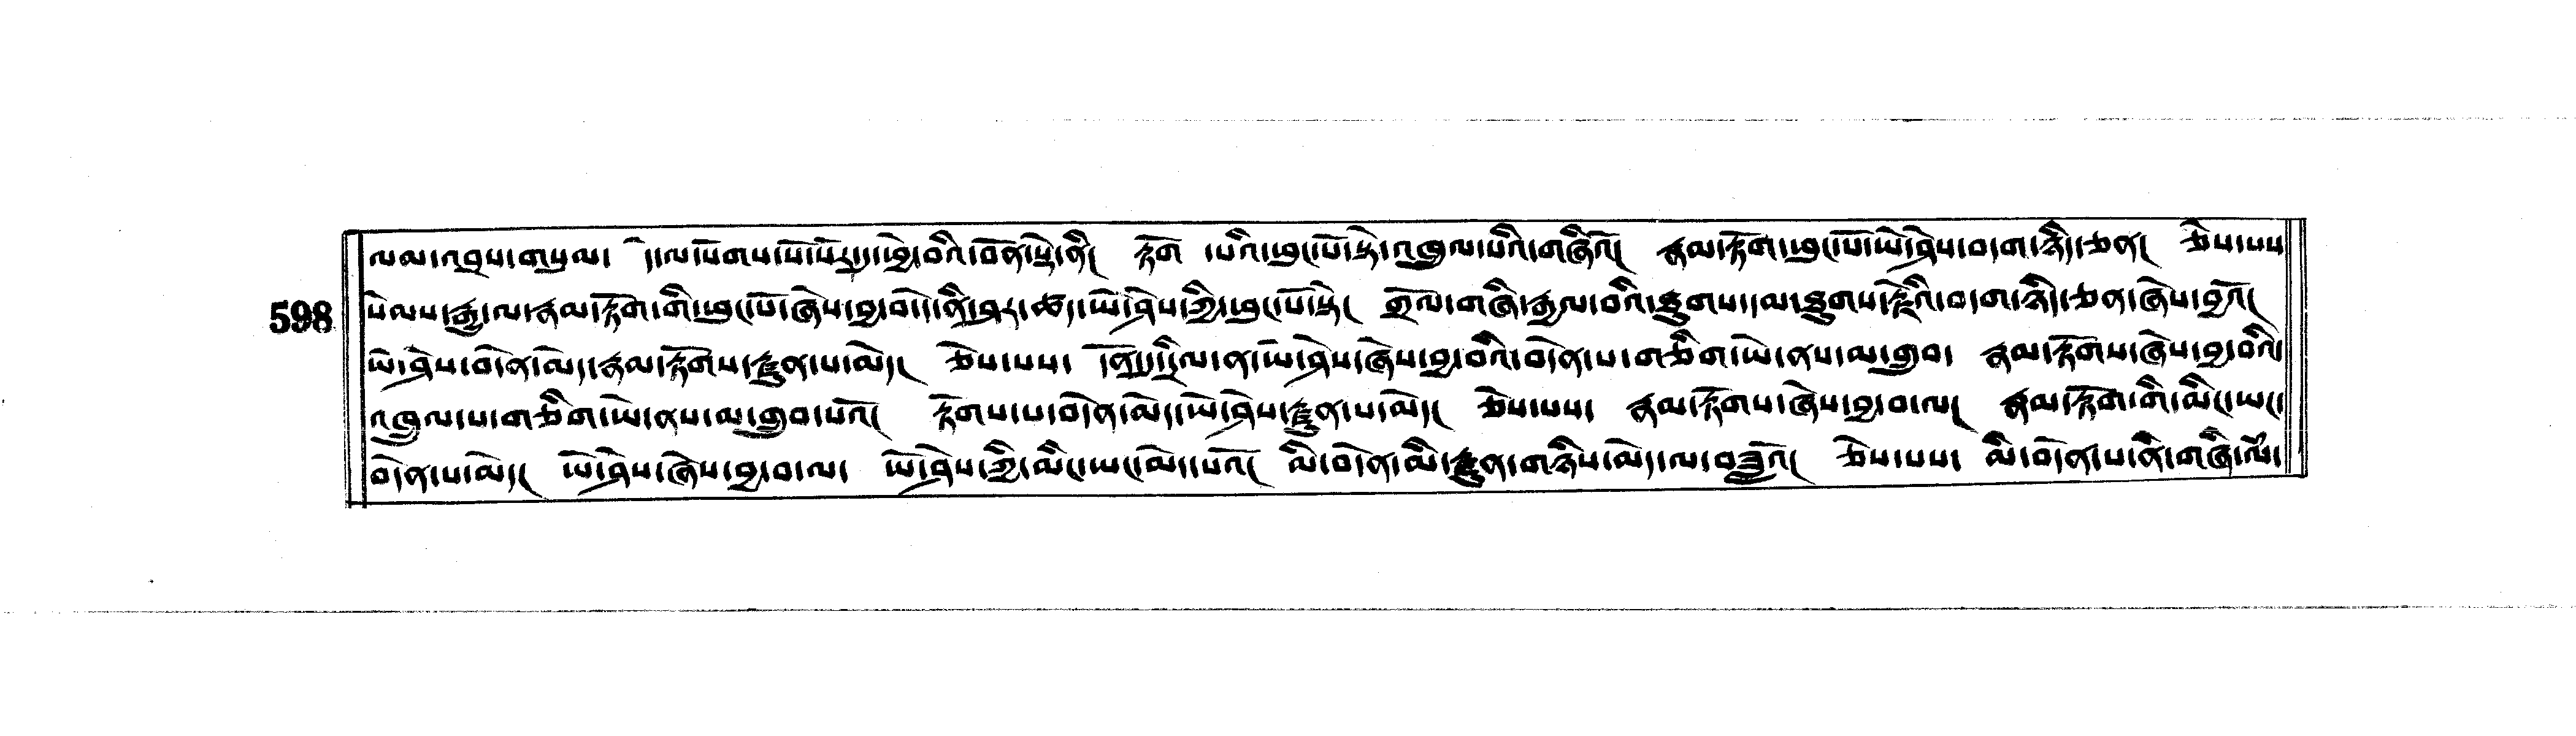ལམ་འབྲས་གསུམ། དེ་ལ་སོགས་སོ་སོར་དུ་ཕྱེ་བའི་བོན་སྡེ་ནི། རྟོག་ པའི་ཕུང་པོ་སྟེ་འཁྲུལ་པའི་གཞིའོ། རྣམ་རྟོག་ཕུང་པོ་ཡེ་ཤེས་བདག་ཉིད་ཅན། ཅེས་པས། 
སེམས་རྒྱུད་ལ་རྣམ་རྟོག་གི་ཕུང་པོ་ཞེས་བྱ་བ་དེ་ནི་ཤར་ཚད་ཡེ་ཤེས་ཀྱི་ཕུང་པོ་སྟེ། གྲོལ་གཞི་རྒྱལ་བའི་ཐུགས་དམ་ཐུགས་རྗེའི་བདག་ཉིད་ཅན་ཞེས་བྱའོ། 
ཡེ་ཤེས་བདེན་མེད་རྣམ་རྟོག་རྫུན་པ་མེད། ཅེས་པས། དོན་དུ་དྲིལ་ན་ཡེ་ཤེས་ཞེས་བྱ་བའི་བདེན་པ་གཅིག་ཡེ་ནས་མ་གྲུབ། རྣམ་རྟོག་ཞེས་བྱ་བའི་
འཁྲུལ་པ་ཅིག་ཡེ་ནས་མ་གྲུབ་པའོ། རྟོག་པ་བདེན་མེད་ཡེ་ཤེས་རྫུན་པ་མེད། ཅེས་པས། རྣམ་རྟོག་ཞེས་བྱ་བ་ལ་རྣམ་རྟོག་གི་མིང་ཡང་
བདེན་པ་མེད། ཡེ་ཤེས་ཞེས་བྱ་བ་ལ་ཡེ་ཤེས་ཀྱི་མིང་ཡང་མེད་པའོ། མི་བདེན་མི་རྫུན་གཉིས་མེད་ལ་བཟླའོ། ཅེས་པས། མི་བདེན་ནི་གཞི་ལམ་